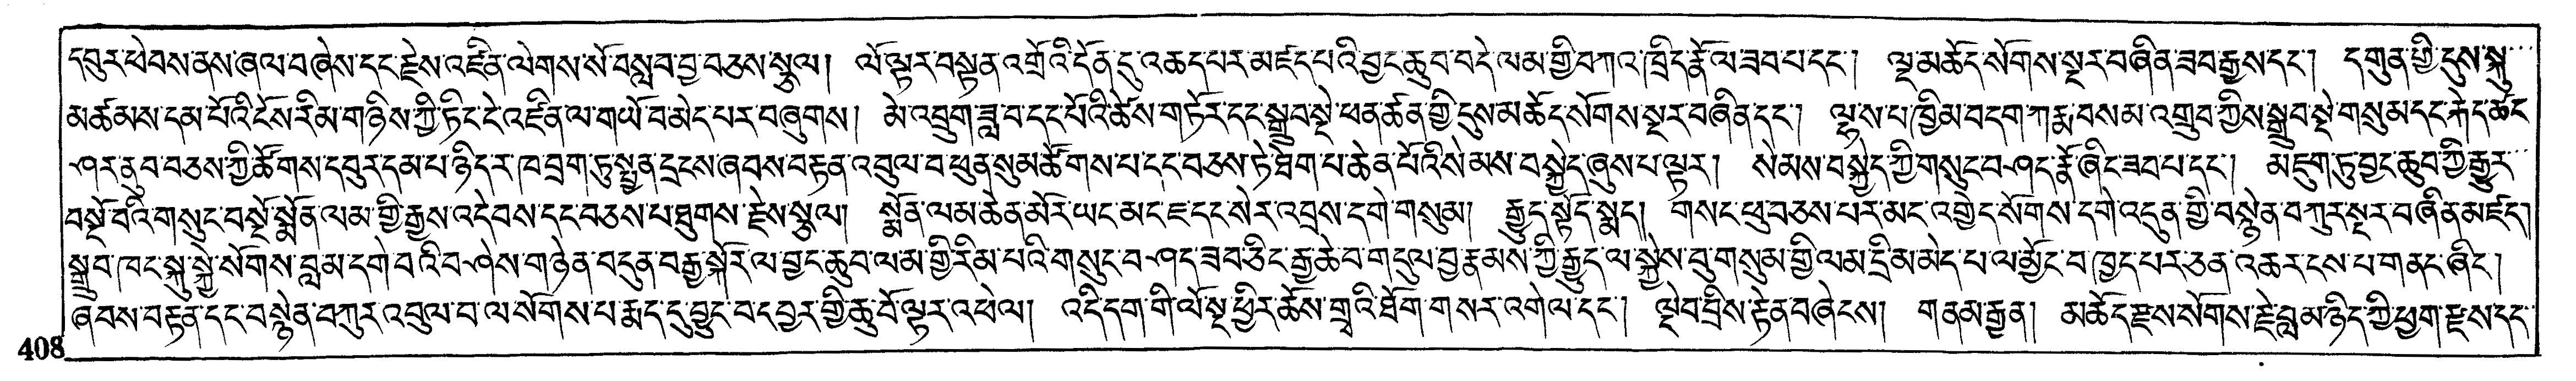དབུར་ཕེབས་ནས་ཞལ་བཞེས་དང་རྗེས་འཛིན་ལེགས་སོ་བསླབ་བྱ་བཅས་སྩལ། ལོ་ལྟར་བསྟན་འགྲོའི་དོན་དུ་འཆད་པར་མཛད་པའི་བྱང་ཆུབ་བདེ་ལམ་གྱི་བཀའ་ཁྲིད་རྣོལ་ཟབ་བ་དང་། ལྔ་མཆོད་སོགས་སྔར་བཞིན་ཟབ་རྒྱས་དང་། དགུན་གྱི་དུས་སྐུ་
མཚམས་དམ་པོའི་ངོས་རིམ་གཉིས་ཀྱི་ཏིང་ངེ་འཛིན་ལ་གཡོ་བ་མེད་བར་བཞུགས། མེ་འབྲུག་ཟླ་བ་དང་པོའི་ཚེས་གཏོར་དང་སྒྲུབ་སྡེ་ཕན་ཚུན་གྱི་དུས་མཆོད་སོགས་སྔར་བཞིན་དང་། ལྷ་ས་བ་ཁྱབ་བདག་ཀརྨ་བསམ་འགྲུབ་ཀྱིས་སྒྲུབ་སྡེ་གསུམ་དང་རྐེད་ཆེད་
ཤར་ནུབ་བཅས་ཀྱི་ཚོགས་དབུར་དམ་པ་ཉིད་ར་ཁ་བྲག་ཏུ་སྤྱན་དྲངས་ཞབས་བརྟན་འབུལ་བ་ཕུན་སུམ་ཚོགས་པ་དང་བཅས་ཏེ་ཐེག་པ་ཆེན་པོའི་སེམས་བསྐྱེ་ཞུས་པ་ལྟར། སེམས་བསྐྱེད་ཀྱི་གསུང་བཤད་རྣོ་ཞིང་ཟབ་པ་དང་། མཇུག་ཏུ་བྱང་ཆུབ་ཀྱི་རྒྱུར་
བསྔོ་བའི་གསུང་བསྔོ་སྨོན་ལམ་གྱིར་རྒྱས་འདེབས་དང་བཅས་པ་ཐུགས་རྗེས་སྩལ། སྨོན་ལམ་ཆེན་མོར་ཡང་མར་ཇ་དང་སེར་འབྲས་དགེ་གསུམ། རྒྱུད་སྟོད་སྨད། གསང་ཕུ་བཅས་པར་མང་འགྱེད་སོགས་དགེ་འདུན་གྱི་བསྙེན་བཀུར་སྔར་བཞིན་མཛད་
སྒྲུབ་ཁང་སྐུ་སྐྱེ་སོགས་བླ་མ་དགེ་བའི་བཤེས་གཉེན་བདུན་བརྒྱ་སྐོར་ལ་བྱང་ཆུབ་ལམ་གྱི་རིམ་པའི་གསུང་བཤད་ཟབ་ཅིང་རྒྱ་ཆེ་བ་གདུལ་བྱ་རྣམས་ཀྱི་རྒྱུད་ལ་སྐྱེས་བུ་གསུམ་གྱི་ལམ་དྲི་མ་མེད་པ་ལ་མྱོང་བ་ཁྱད་པར་ཅན་འཆར་ངེས་པ་གནང་ཞིང་།
ཞབས་བརྟེན་དང་བསྙེན་བཀུར་འབུལ་བ་ལ་སོགས་པ་རྨད་དུ་བྱུང་བ་དབྱར་གྱི་ཆུ་བོ་ལྟ་འཕེལ། འདི་དག་གི་ལོ་སྔ་ཕྱིར་ཆོས་གྲྭའི་ཐོག་གསར་འགེལ་དང་། ལྡེབ་བྲིས་རྟེན་བཞེངས། གནམ་རྒྱན། མཆོད་རྫས་སོགས་རྗེ་བླ་མ་ཉིད་ཀྱི་ཕྱག་རྫས་དང་